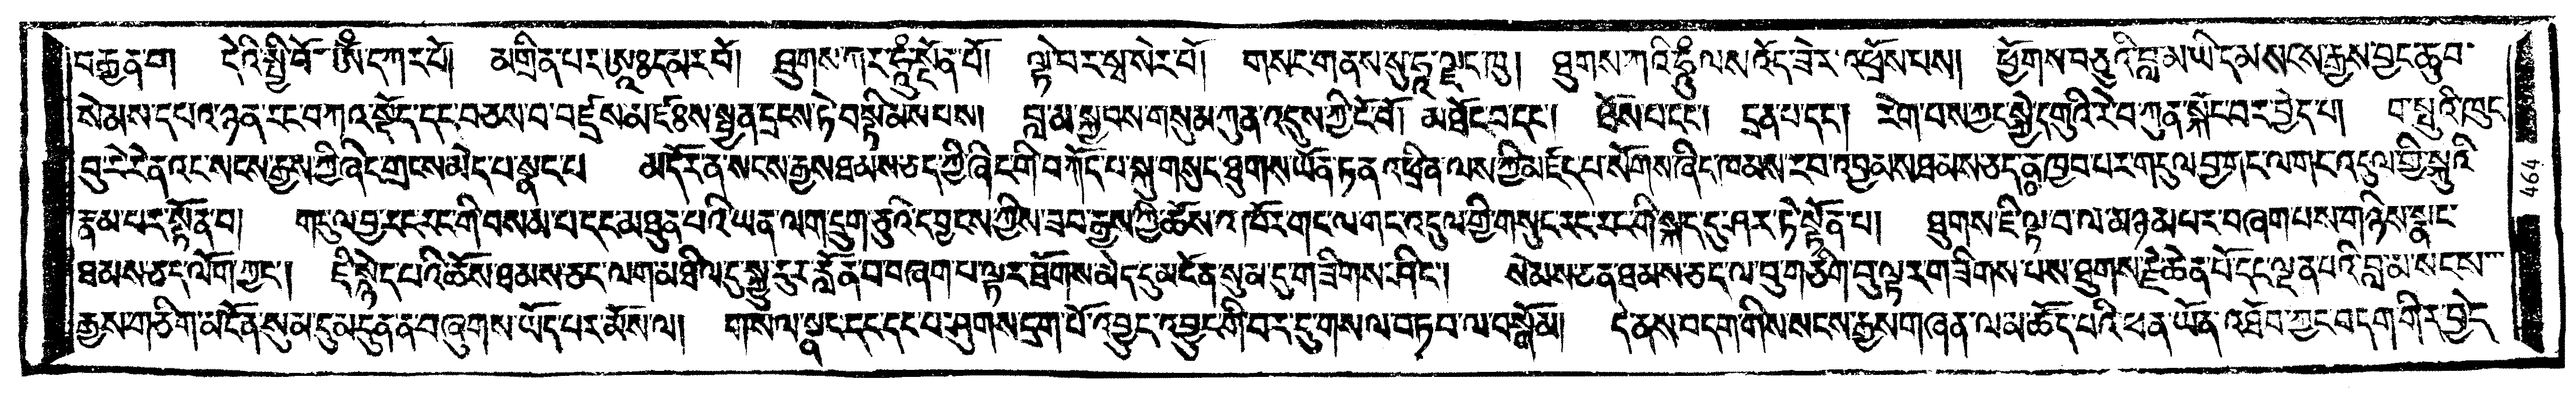བརྒྱན་པ། དེའི་སྤྱི་བོ་ཨོཾ་དཀར་པོ། མགྲིན་པར་ཨཱཿདམར་པོ། ཐུགས་ཀར་ཧཱུཾ་སྔོན་པོ། ལྟེ་བར་སྭ་སེར་པོ། གསང་གནས་སུ་ཧཱ་ལྗང་ཁུ། ཐུགས་ཀའི་ཧཱུཾ་ལས་འོད་ཟེར་འཕྲོས་པས། ཕྱོགས་བཅུའི་བླ་མ་ཡི་དམ་སངས་རྒྱས་བྱང་ཆུབ་
སེམས་དཔའ་ཉན་རང་བཀའ་སྡོད་དང་བཅས་པ་བཛྲ་ས་མ་ཛཿས་སྤྱན་དྲངས་ཏེ་བསྟིམས་པས། བླ་མ་སྐྱབས་གསུམ་ཀུན་འདུས་ཀྱི་ངོ་བོ། མཐོང་བ་དང་། ཐོས་པ་དང་། དྲན་པ་དང་། རེག་པས་ཀྱང་སྐྱེ་དགུའི་རེ་བ་ཀུན་སྐོང་བར་བྱེད་པ། བ་སྤུའི་ཁུང་
བུ་རེ་རེ་ནའང་སངས་རྒྱས་ཀྱི་ཞིང་གྲངས་མེད་པ་སྣང་པ་མདོར་ན་སངས་རྒྱས་ཐམས་ཅད་ཀྱི་ཞིང་གི་བཀོད་པ་སྐུ་གསུང་ཐུགས་ཡོན་ཏན་འཕྲིན་ལས་ཀྱི་མཛད་པ་སོགས་ཞིང་ཁམས་རབ་འབྱམས་ཐམས་ཅད་ན་ཁྱབ་པར་གདུལ་བྱ་གང་ལ་གང་འདུལ་གྱི་སྐུའི་
རྣམ་པར་སྟོན་པ། གདུལ་བྱ་རང་རང་གི་བསམ་པ་དང་མཐུན་པའི་ཡན་ལག་དྲུག་ཅུའི་དབྱངས་ཀྱིས་ཟབ་རྒྱས་ཀྱི་ཆོས་འཁོར་གང་ལ་གང་འདུལ་གྱི་གསུང་རང་རང་གི་སྐད་དུ་ཤར་ཏེ་སྟོན་པ། ཐུགས་ཇི་ལྟ་བ་ལ་མཉམ་པར་བཞག་པས་གཉིས་སྣང་
ཐམས་ཅད་ལོག་ཀྱང་། ཇི་སྙེད་པའི་ཆོས་ཐམས་ཅད་ལག་མཐིལ་དུ་སྐྱུ་རུར་རློན་བ་བཞག་པ་ལྟར་ཐོགས་མེད་དུ་མངོན་སུམ་དུ་གཟིགས་ཤིང་། སེམས་ཅན་ཐམས་ཅད་ལ་བུ་གཅིག་བུ་ལྟར་གཟིགས་པས་ཐུགས་རྗེ་ཆེན་པོ་དང་ལྡན་པའི་བླ་མ་སངས་
རྒྱས་གཅིག་མངོན་སུམ་དུ་མདུན་ན་བཞུགས་ཡོད་པར་མོས་ལ། གསལ་སྣང་དང་དང་པ་ཤུགས་དྲག་པོ་འབྱུང་འབྱུང་གི་བར་དུ་གསལ་བཏབ་ལ་བསྒོམ། དེ་ནས་བདག་གིས་སངས་རྒྱས་གཞན་ལ་མཆོད་པའི་ཕན་ཡོན་འཐོབ་ཀྱང་བདག་གིར་བྱེད་